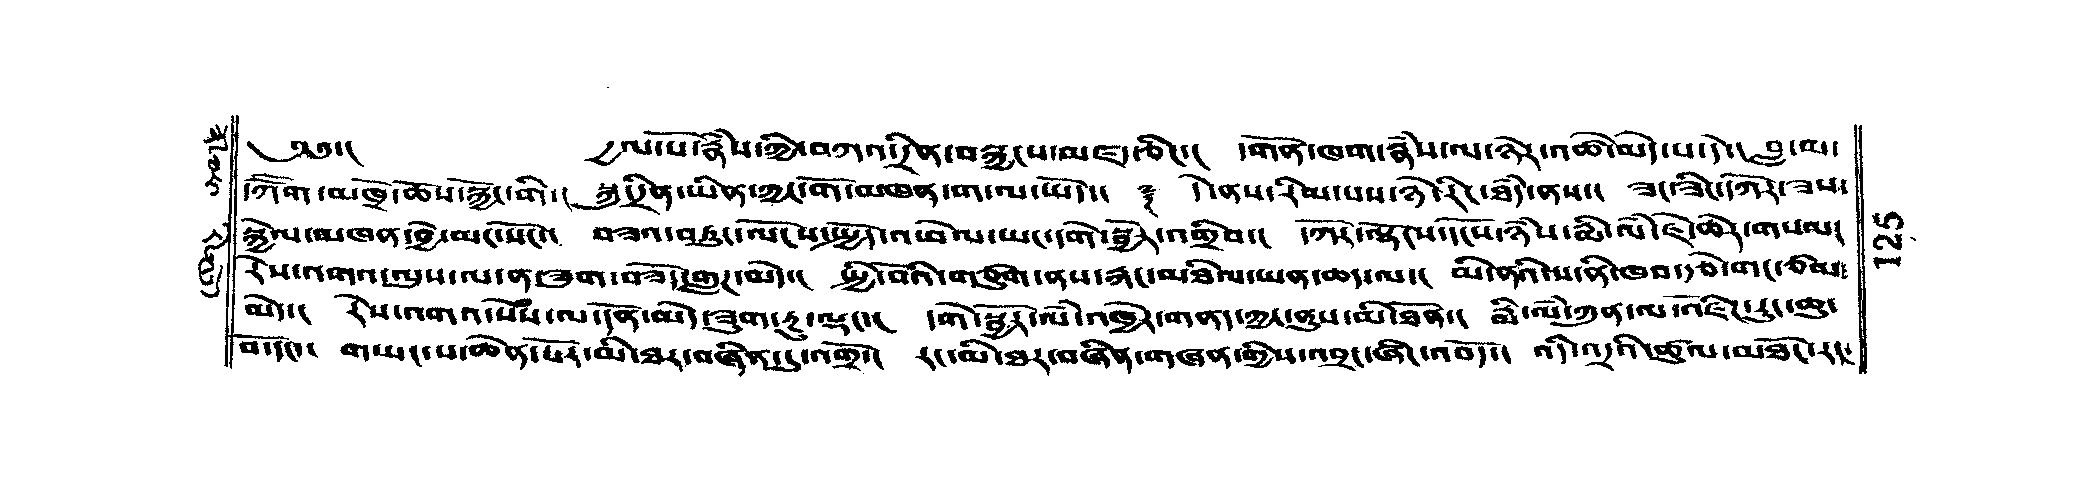།རྒྱལ་པོ་རྣམས་ཀྱི་བཀའ་དྲིན་བསྐྱངས་མཛད་ཅིང་། །དགོན་ཁག་རྣམས་ལ་ཉེར་འཚེ་མེད་པ་དེ། །བླ་མ་
དཀོན་མཆོག་མཁའ་འགྲོ་ཆོས་སྐྱོང་གི །སྐུ་དྲིན་ཡིན་ཀྱང་གོ་མཁན་ག་ལ་ཡོད། །དེ་ནས་རིམ་པས་ཉེ་རིགས་ཐམས་ཅད་ནས། །ཟང་ཟིང་དཀོར་ཟས་
སྐྱེལ་མཁན་ཇེ་མང་སོང་། །བཟའ་བཏུང་ལོངས་སྤྱོད་འཕེལ་ཡང་དགེ་སྦྱོར་འགྲིབས། །དཀོར་ལྷོངས་དངོས་ཉམས་རྨི་ལམ་ཇེ་ཆེར་གསལ། །
རེས་འགའ་ལུས་ལ་ན་ཟུག་བཟོད་གླགས་མེད། །སྤྱི་བོའི་གཙུག་ནས་རྐང་མཐིལ་ཡན་ཆད་ལ། །མི་ནའི་ས་ནི་ཁབ་རྩེ་གང་ཙམ་
མེད། །རེས་འགའ་སེམས་ལ་དོན་མེད་ཟུག་རྔུ་ལྡང་། །དགེ་སྦྱོར་ལམ་འཁྱེར་འབད་ཀྱང་ནུས་མི་ཐོན། །རྨི་ལམ་ཀུན་ལ་འཇིགས་རུང་ཆུ་
བོ་དང་། །གཡང་ས་ཆེན་པོར་མི་ཐར་བཞིན་དུ་འགྲོ། །རང་མི་ཐར་བཞིན་གཞན་གྱིས་འབྲང་ཞིང་འབོད། །འདི་འདྲའི་ཚུལ་མཐོང་རང་